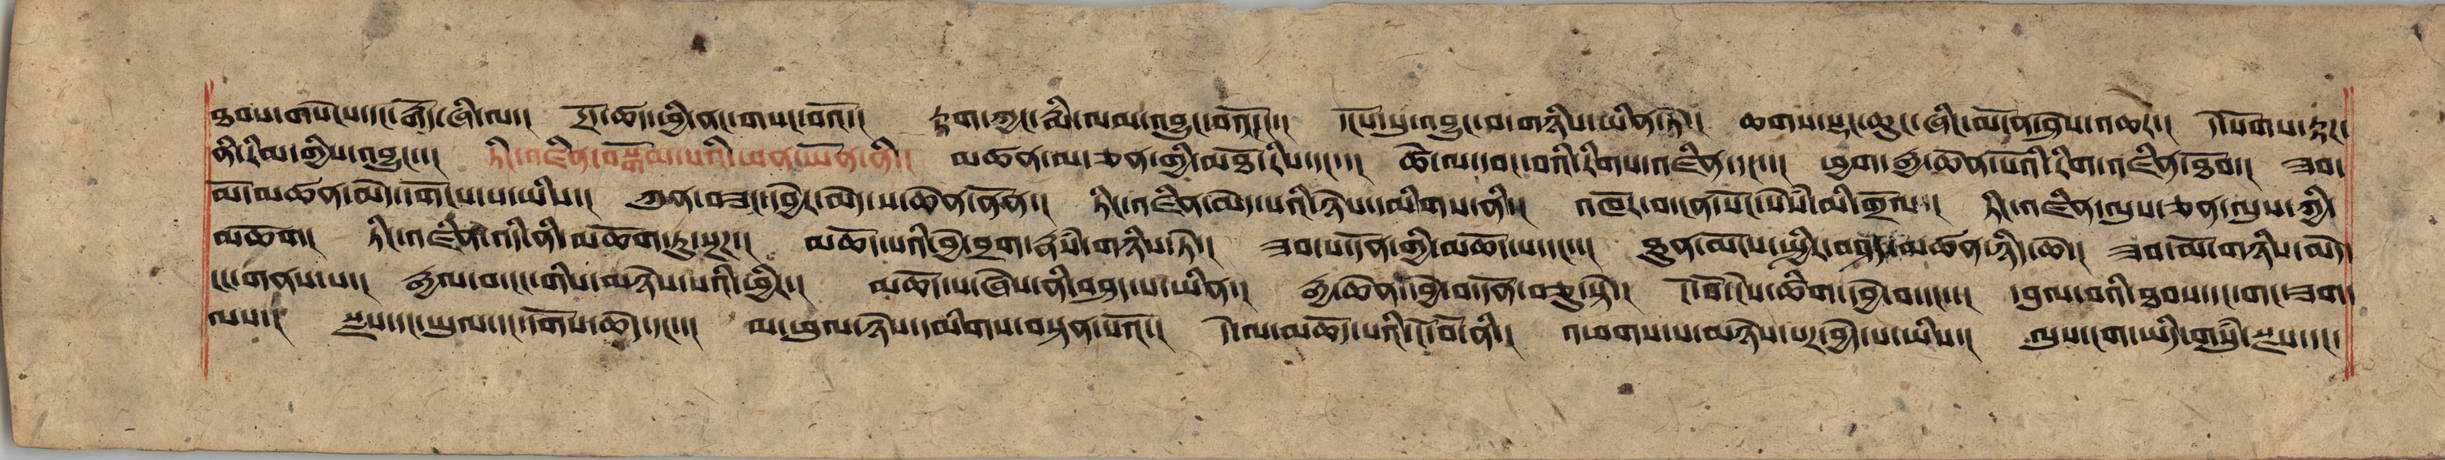ཐབས་གསེངས་དང་རྒོད་ཞི་ལ་། དྲོད་ཚད་ཕྱི་ནང་གསང་བའོ་། རྟག་ཀྱང་རྨི་ལམ་འབྱུང་བའོ་ང་། དངོས་སུ་འབྱུང་བ་གཉིས་ཡིན་ཏེ་། ཆགས་སྡང་ཆུང་ཞིང་མངོན་ཤེས་འའཆར་། དེ་སོགས་རྟཌ་
ནི་རིམ་གྱིས་འབྱུང་་། ཏིང་འཛིན་བསྒོམ་པའི་ཕན་ཡོན་ནི་། མཚན་མ་ཅན་གྱི་མཐོ་རིས་དང་་། ཚེ་ལ་དབང་བའི་རིགས་འཛིན་དང་་། ཕྱག་རྒྱ་ཆེན་པོའི་རིག་འཛིན་ཐོབ་། ཟབ་
མོ་མཚན་མེད་དགོངས་པ་ཡིན་་། ཀུན་བཟང་དབྱེར་མེད་ས་ཆེན་ནོན་། ཏིང་འཛིན་མེད་པའི་ཉེས་དམིགས་ནི་། འཁོར་བ་ངན་སོང་སེཾས་མི་གྲོལ་། ཏིང་འཛིན་ལུས་ཅན་ལུས་ཀྱི་
མཆོག། ཏིང་འཛིན་འདི་ནི་མཆོག་ཏུ་སྔཌ་། མཆོད་པའི་བྱེ་བྲག་རྣཾས་གཉིས་ཏེ་། ཟབ་པ་དོན་གྱི་མཆོད་པ་དང་་། ཐུན་མོངས་སྤྱིར་བཤད་མཚན་ཉིད་ཆེ་། ཟབ་མོ་གཉིས་མེད་
ངང་གནས་པ་། རྒྱལ་བ་ངང་གིས་མཉེས་པའི་ཕྱིར་། མཆོད་པ་ཞེས་ནི་བཤད་པ་ཡིན་། རྒྱ་ཆེན་དབྱེ་བ་དོན་བཅུ་སྟེ་། ངོ་བོ་ངེས་ཚིག་དབྱེ་བ་དང་་། དབུལ་བའི་ཐབས་དང་གང་ཟག་
ལས། སྫས་དང་ཡུལ་དང་དགོས་ཆེད་དང་་། མ་ཕུལ་ཉེས་དམིགས་བསྟན་པའོ་། དེ་ལ་མཆོད་པའི་ངོ་བོ་ནི་། འཕགས་པ་མཉེས་པར་བྱེད་པ་ཡིས་། ལུས་ངག་ཡིད་གསུཾ་སྫས་དང་